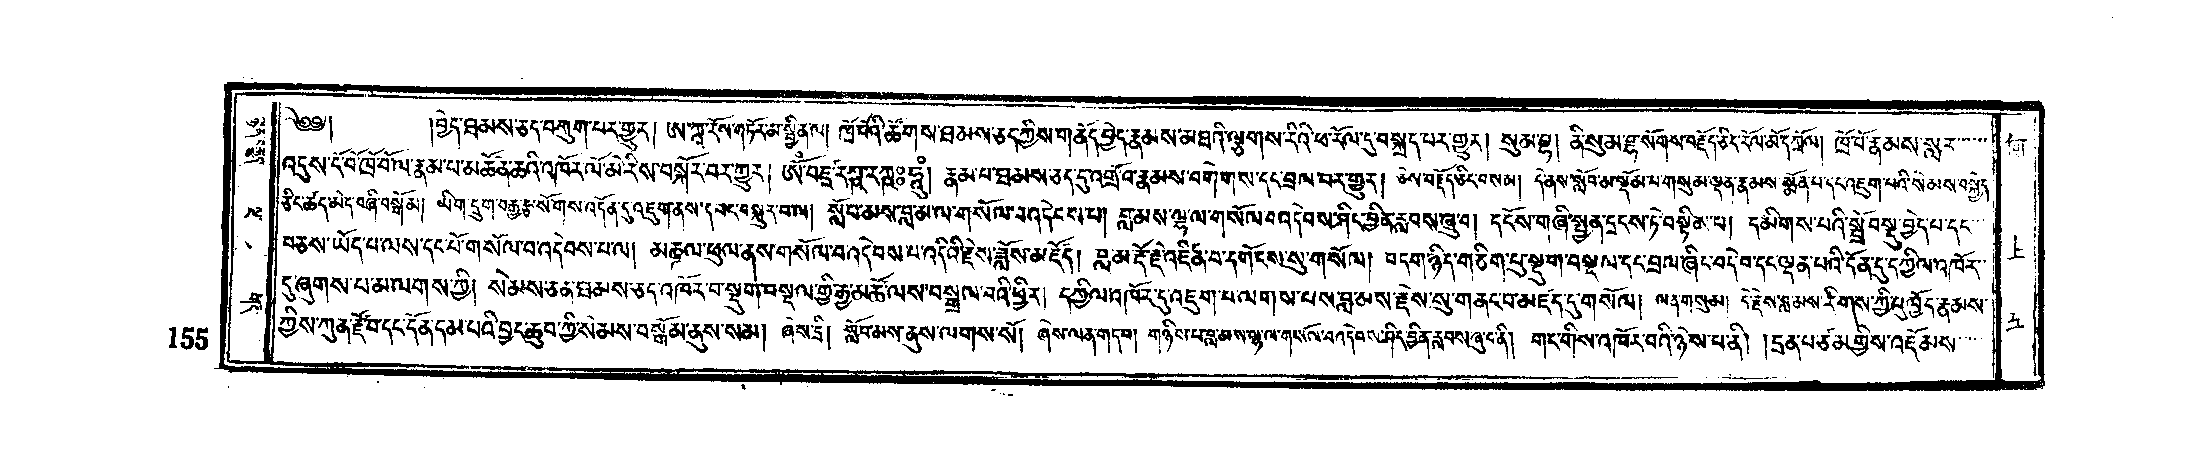༄༅། །བྱེད་ཐམས་ཅད་བཀུག་པར་གྱུར། ཨ་ཀཱ་རོས་གཏོར་མ་སྦྱིན་ལ། ཁྲོ་བོའི་ཚོགས་ཐམས་ཅད་ཀྱིས་གནོད་བྱེད་རྣམས་མཐའི་ལྕགས་རིའི་ཕ་རོལ་དུ་བསྐྲད་པར་གྱུར། སུམ་བྷ། ནི་སུམ་བྷ་སོགས་བརྗོད་ཅིང་རོལ་མོ་དཀྲོལ། ཁྲོ་བོ་རྣམས་སླར་
འདུས་ངོ་བོ་ཁྲོ་བོ་ལ་རྣམ་པ་མཚོན་ཆའི་འཁོར་ལོ་མེ་རིས་བསྐོར་བར་གྱུར། ཨོཾ་བཛྲ་རཀྵ་རཀྵཿཧཱུཾ། རྣམ་པ་ཐམས་ཅད་དུ་འགྲོ་བ་རྣམས་བགེགས་དང་བྲལ་བར་གྱུར། ཅེས་བརྗོད་ཅིང་བསམ། དེ་ནས་སློབ་མ་སྡོམ་པ་གསུམ་ལྡན་རྣམས་སྨོན་པ་དང་འཇུག་པའི་སེམས་བསྐྱེད་
ཅིང་ཚད་མེད་བཞི་བསྒོམ། ཡིག་དྲུག་བརྒྱ་རྩ་སོགས་འདོན་དུ་འཇུག་ནས་དབང་བསྐུར་བ་ལ། སློབ་མས་བླ་མ་ལ་གསོལ་བ་འདེབས་པ། བླ་མས་ལྷ་ལ་གསོལ་བ་འདེབས་ཤིང་བྱིན་རླབས་ཞུ་བ། དངོས་གཞི་སྤྱན་དྲངས་ཏེ་བསྟིམ་པ། དམིགས་པའི་སྤྲོ་བསྡུ་བྱེད་པ་དང་
བཅས་ཡོད་པ་ལས་དང་པོ་གསོལ་བ་འདེབས་པ་ལ། མཎྜལ་ཕུལ་ནས་གསོལ་བ་འདེབས་པ་འདིའི་རྗེས་ཟློས་མཛོད། བླ་མ་རྡོ་རྗེ་འཛིན་བ་དགོངས་སུ་གསོལ། བདག་ཉིད་གཅིག་པུ་སྡུག་བསྔལ་དང་བྲལ་ཞིང་བདེ་བ་དང་ལྡན་པའི་དོན་དུ་དཀྱིལ་འཁོར་
དུ་ཞུགས་པ་མ་ལགས་ཀྱི། སེམས་ཅན་ཐམས་ཅད་འཁོར་བ་སྡུག་བསྔལ་གྱི་རྒྱ་མཚོ་ལས་བསྒྲལ་བའི་ཕྱིར། དཀྱིལ་འཁོར་དུ་འཇུག་པ་ལགས་པས་བླ་མས་རྗེས་སུ་གནང་བ་མཛད་དུ་གསོལ། ལན་གསུམ། དེ་རྗེས་བླ་མས་རིགས་ཀྱི་པུ་ཁྱོད་རྣམས་
ཀྱིས་ཀུན་རྫོབ་དང་དོན་དམ་པའི་བྱང་ཆུབ་ཀྱི་སེམས་བསྒོམ་ནུས་སམ། ཞེས་དྲི། སློབ་མས་ནུས་ལགས་སོ། ཞེས་ལན་གདབ། གཉིས་པ་བླ་མས་ལྷ་ལ་གསོལ་བ་འདེབས་ཤིང་བྱིན་རླབས་ཞུ་བ་ནི། གང་གིས་འཁོར་བའི་ཉེས་པ་ནི། །དྲན་པ་ཙམ་གྱིས་འཇོམས་